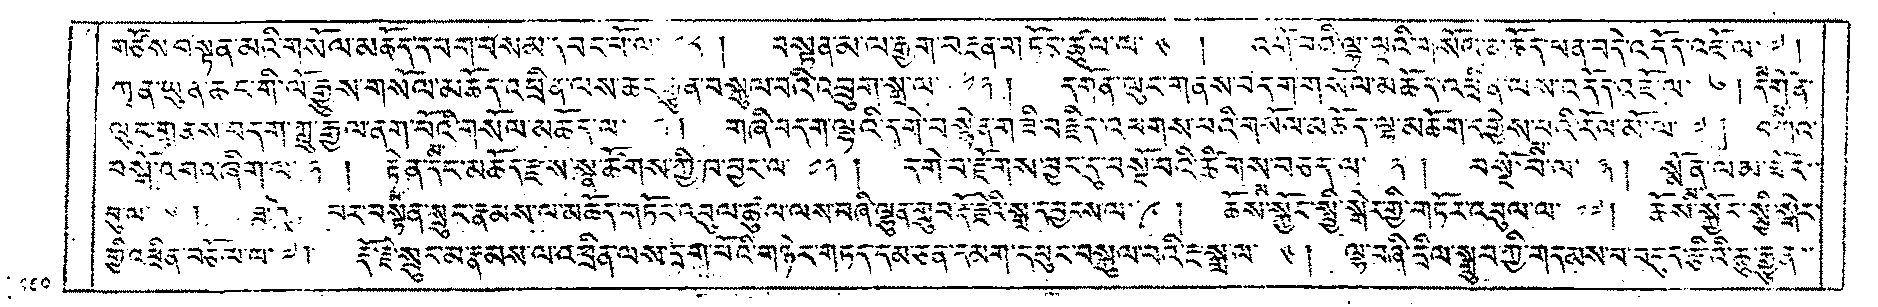གཙོས་བསྟན་མའི་གསོལ་མཆོད་དཔག་བསམ་དབང་པོ་ལ ༡༨། བསྟན་མ་ལ་རྒྱག་བརྔན་གཏོང་ཚུལ་ལ ༤། འགོ་བའི་ལྷ་ལྔའི་གསོལ་མཆོད་ཕན་བདེ་འདོད་འཇོ་ལ ༧།
ཀྭན་ཡུན་ཆང་གི་ལོ་རྒྱུས་གསོལ་མཆོད་འཕྲིན་ལས་ཆར་རྒྱུན་བསྐུལ་བའི་འབྲུག་སྒྲ་ལ ༡༢། དགོན་ལུང་གནས་བདག་གསོལ་མཆོད་འཕྲིན་ལས་འདོད་འཇོ་ལ ༦། མ་དགོན་
ལུང་གནས་བདག་ཀླུ་རྒྱལ་ནག་པོའི་གསོལ་མཆོད་ལ ༢། གཞི་བདག་ལྷའི་དགེ་བསྙེན་གཟི་བརྗིད་འཕགས་པའི་གསོལ་མཆོད་ལྷ་མཆོག་དགྱེས་པའི་རོལ་མོ་ལ ༧། མ་བཀའ་
བསྒོ་འགའ་ཞིག་ལ ༢། རྟེན་མ་དང་མཆོད་རྫས་སྣ་ཚོགས་ཀྱི་ཁ་བྱང་ལ ༡༢། དགེ་བ་རྫོགས་བྱང་དུ་བསྔོ་བའི་ཚིགས་བཅད་ལ ༢། བསྔོ་བ་མ་ལ ༣། སྨོན་མ་ལམ་ཐོར་
བུ་ལ ༦། ཐ྄་པར་མ་བསྟན་སྲུང་རྣམས་ལ་མཆོད་གཏོར་འབུལ་ཚུལ་ལས་བཞི་ལྷུན་གྲུབ་རྡོ་རྗེའི་སྒྲ་དབྱངས་ལ ༩། ཆོས་མ་སྐྱོང་སྤྱི་སྒེར་གྱི་གཏོར་འབུལ་ལ ༡༧། ཆོས་མ་སྐྱོང་སྤྱི་སྒེར་
གྱི་འཕྲིན་བཅོལ་ལ ༧། རྡོ་རྗེ་སྲུང་མ་རྣམས་ལ་འཕྲིན་ལས་དྲག་པོའི་གཉེར་གཏད་དམ་ཅན་དམག་དཔུང་བསྐུལ་བའི་རྔ་སྒྲ་ལ ༤། ལྷ་བཞི་དྲིལ་སྒྲུབ་ཀྱི་གདམས་པ་བདུད་རྩིའི་ཆུ་རྒྱུན་